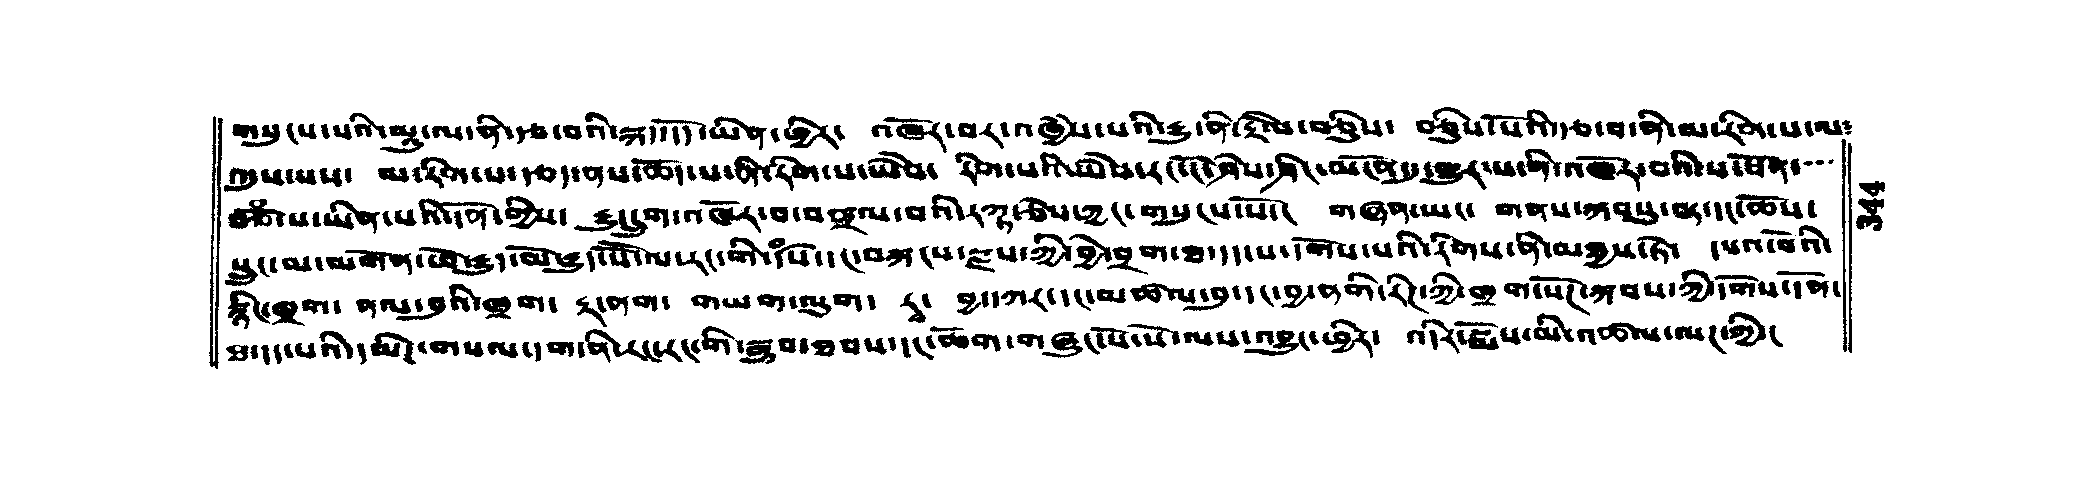གསུངས་པའི་མཱུ་ལ་ནི་རྩ་བའི་སྐད་དོད་ཡིན་ཕྱིར། འཁོར་བར་འཁྱམས་པའི་རྒྱུ་ནི་རྟེན་འབྲེལ་བཅུ་གཉིས། བཅུ་གཉིས་པོའི་རྩ་བ་ནི་མ་རིག་པ་ལ་
འདུག་པས། མ་རིག་པ་རྩད་ནས་ཆོད་པ་ནི་རིག་པ་ཡེ་ཤེས། རིག་པའི་ཡེ་ཤེས་རང་ངོ་ཤེས་ཤིང་མངོན་དུ་གྱུར་བ་ནི་འཁོར་བའི་ས་བོན་
བཅོམ་པ་ཡིན་དོན་གྱིས། རྒྱུ་དྲུག་འཁོར་བ་བསྒྲལ་བའི་རཀྟ་ཅེས་ཀྱང་གསུངས་སོ། གཞན་ཡང་། གནས་སྐབས་སུ་ལྷ་དང་ཆོས་
སྲུང་མ་མགོན་ཕོ་རྒྱུད་མོ་རྒྱུད་སོ་སོ་ལ་རང་གི་དམ་རྫས་དང་བསྐང་རྫས་ཀྱི་བྱེ་བྲག་ཐ་དད་པ་དགོས་པའི་རིགས་ནི་མཐའ་ཡས་ཏེ། དཔའ་བོའི་
སྙིང་ཁྲག་ནལ་བུའི་ཁྲག་རྟ་ནག་གཡག་ལུག་རྭ། བྱ་དཀར་དང་མཚལ་བུ་དང་བྱ་ནག་གི་རིགས་ཀྱི་ཁྲག་སོགས་སྐབས་ཀྱི་དགོས་དོན་
ཐ་དད་པའི་དམིགས་གསལ་དག་ནི་རང་རང་གི་སྒྲུབ་ཐབས་དང་ཆོག་གཞུང་སོ་སོ་ལས་འབྱུང་ཕྱིར། འདིར་སྨོས་མི་འཚལ་ལགས་ཀྱི།